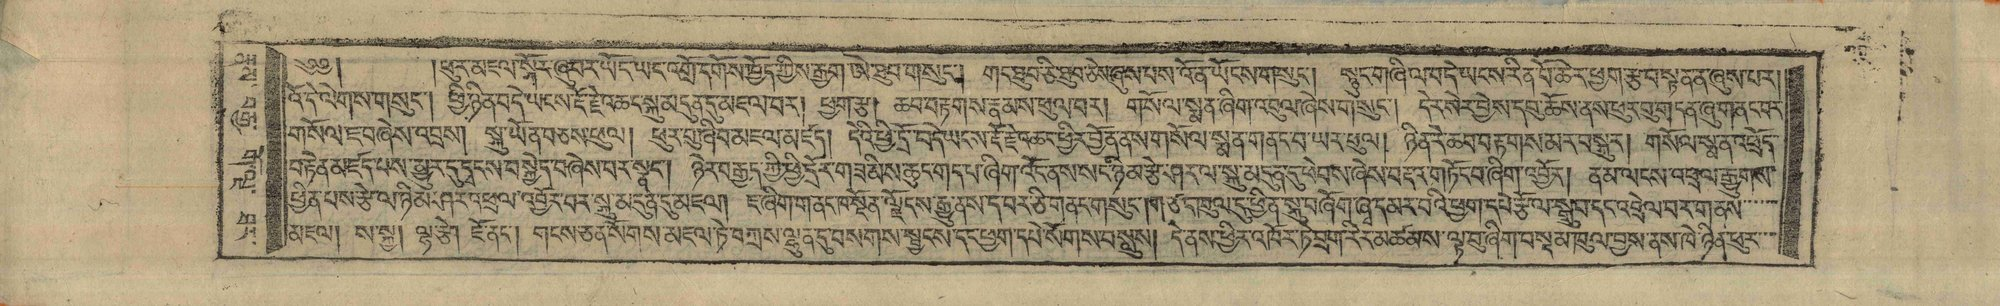༄༅། །ཕུར་མཇལ་སྐོར་ཞུ་བར་ཡོང་ཡང་འགྲོ་དགོས་ཁྱོད་ཀྱིས་རྒྱག་ཨེ་ཐུབ་གསུང་། གང་ཐུབ་ཅི་ཐུབ་ཅེས་ཞུས་པས་འོ་ན་ཡོངས་གསུང་། སྙུང་གཞི་ལ་བདེ་ཡངས་རིན་པོ་ཆེར་ཕྱག་རྩ་བསྟན་ན་ཞུས་པར།
འོ་དེ་ལེགས་གསུང་། ཕྱི་ཉིན་བདེ་ཡངས་རྡོ་རྗེ་འཆང་སྐུ་མདུན་དུ་མཇལ་བར། ཕྱག་རྩ། ཆབ་བརྟགས་རྣམས་ཕུལ་བར། གསོལ་སྨན་ཞིག་འབུལ་ཞེས་གསུང་། དེར་སེར་བྱེས་དབུ་ཆོས་ནས་ཕུར་བུ་གདན་ཞུ་གནང་བར་
གསོལ་ཇ་བཞེས་འབྲས། སྐུ་ཡོན་བཅས་ཕུལ། ཕུར་བུ་ཞིབ་མཇལ་མཛད། དེའི་ཕྱི་དྲོ་བདེ་ཡངས་རྡོ་རྗེ་འཆང་ཕྱིར་བྱོན་ནས་གསོལ་སྨན་གནང་བ་ཡར་ཕུལ། ཉིན་རེ་ཆབ་བརྟགས་མར་བསྐུར། གསོལ་སྨན་འཕྲོད་
བརྟེན་མཛད་པས་མྱུར་དུ་དྭངས་བསྐྱེད་བཞེས་པར་སྣང་། ཉེར་བརྒྱད་ཀྱི་ཕྱི་དྲོར་གཟིམས་ཆུང་གད་པ་ཞིག་འོང་ནས་སང་ཉི་མ་རྩེ་ཤར་ལ་སྐུ་མདུན་དུ་ཕེབས་ཞེས་བརྡའ་གཏོང་བ་ཞིག་འབྱོར། ནམ་ལངས་འཕྲལ་རྒྱུགས་
ཕྱིན་པས་རྩེ་ལ་ཉི་མ་ཤར་འཕྲལ་འབྱོར་བར་སྐུ་མདུན་དུ་མཇལ། ཇ་ཞིག་གནང་ཁ་སྔོན་ལྗོངས་རྒྱུ་ནས་ད་བར་ཅི་གནང་གསུང་། གཙང་ཁུལ་དུ་ཕྱིན་སྐུ་བཞོག་ཞྭ་དམར་བའི་ཕྱག་དཔེ་རྩོལ་སྒྲུབ་དང་འབྲེལ་བར་གནས་
མཇལ། ས་སྐྱ། ལྷ་རྩེ། ཇོ་ནང་། གངས་ཅན་སོགས་མཇལ་ཏེ་བཀྲས་ལྷུན་དུ་བསགས་སྦྱངས་དང་ཕྱག་དཔེ་སོགས་བསླུས། དེ་ནས་ཕྱིར་འཁོར་ཏེ་བྲག་རིར་མཚམས་ལྟ་བུ་ཞིག་བསྡམ་ཁུལ་བྱས་ནས་ཁེ་ཉིན་ཕུར་